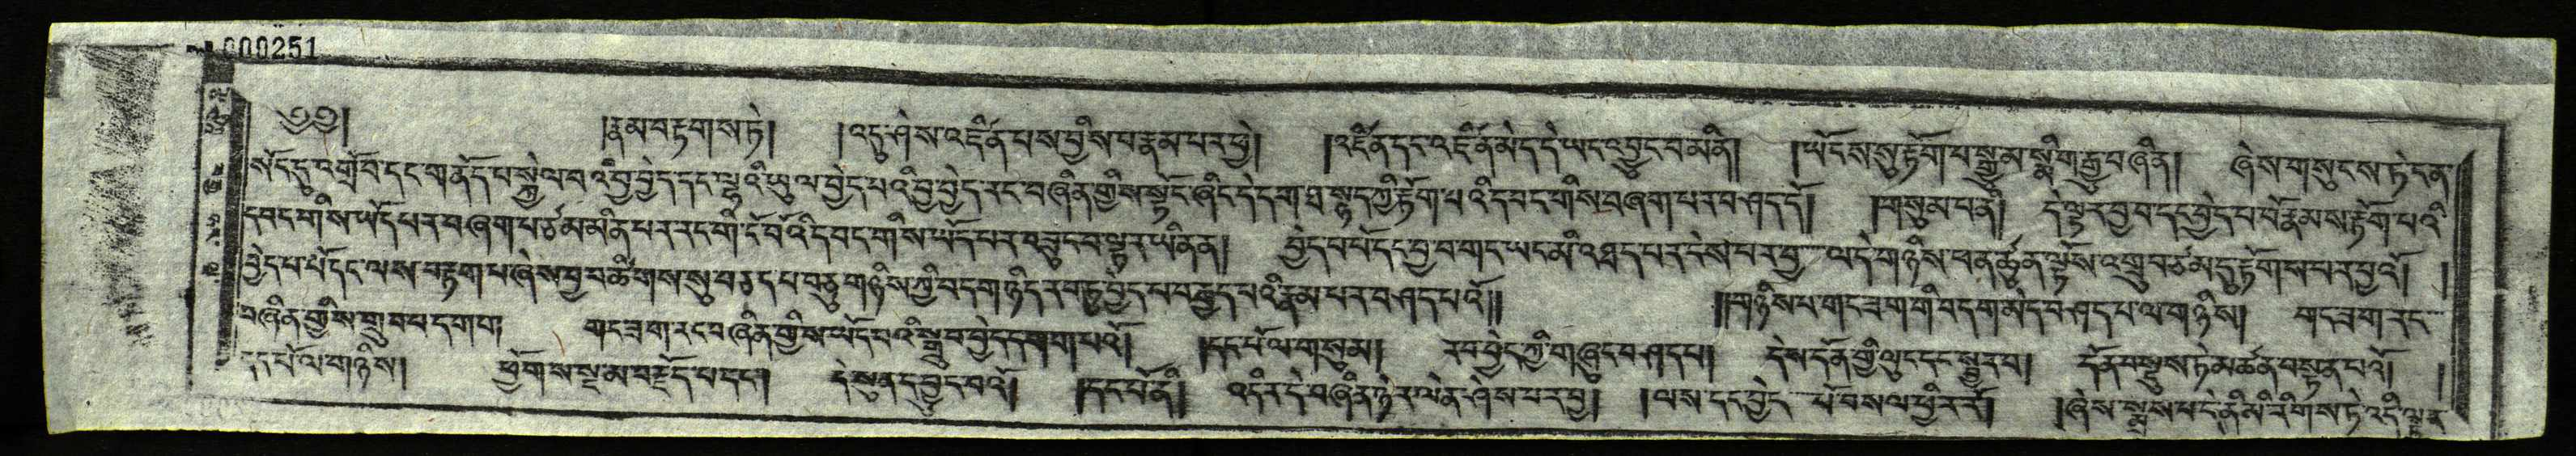༄༅། །རྣམ་བརྟགས་ཏེ། །འདུ་ཤེས་འཛིན་པས་བྱིས་པ་རྣམ་པར་ཕྱེ། །འཛིན་དང་འཛིན་མེད་དེ་ཡང་འབྱུང་བ་མིན། །ཡོངས་སུ་རྟོག་པ་སྒྱུ་མ་སྨིག་རྒྱུ་བཞིན། ཞེས་གསུངས་ཏེ་ངན་
སོང་དུ་འགྲོ་བ་དང་གནོད་པ་སྐྱེལ་བའི་བྱ་བྱེད་དང་ལྷའི་ཡུལ་བྱེད་པའི་བྱ་བྱེད་རང་བཞིན་གྱིས་སྟོང་ཞིང་དེ་དག་ཐ་སྙད་ཀྱི་རྟོག་པའི་དབང་གིས་བཞག་པར་བཤད་དོ། །གསུམ་པ་ནི། དེ་ལྟར་བྱ་བ་དང་བྱེད་པ་པོ་རྣམས་རྟོག་པའི་
དབང་གིས་ཡོད་པར་བཞག་པ་ཙམ་མིན་པར་རང་གི་ངོ་བོའི་དབང་གིས་ཡོད་པར་བཟུང་བ་ལྟར་ཡིན་ན། བྱེད་པ་པོ་དང་བྱ་བ་གང་ཡང་མི་འཐད་པར་ངེས་པར་བྱ་ལ་དེ་གཉིས་ཕན་ཚུན་ལྟོས་འགྲུབ་ཙམ་དུ་རྟོགས་པར་བྱའོ། །
བྱེད་པ་པོ་དང་ལས་བརྟག་པ་ཞེས་བྱ་བ་ཚིགས་སུ་བཅད་པ་བཅུ་གཉིས་ཀྱི་བདག་ཉིད་རབ་ཏུ་བྱེད་པ་བརྒྱད་པའི་རྣམ་པར་བཤད་པའོ།། །།གཉིས་པ་གང་ཟག་གི་བདག་མེད་བཤད་པ་ལ་གཉིས། གང་ཟག་རང་
བཞིན་གྱིས་གྲུབ་པ་དག་པ། གང་ཟག་རང་བཞིན་གྱིས་ཡོད་པའི་སྒྲུབ་བྱེད་དགག་པའོ། །དང་པོ་ལ་གསུམ། རབ་བྱེད་ཀྱི་གཞུང་བཤད་པ། དེས་དོན་གྱི་ལུང་དང་སྦྱར་བ། དོན་བསྡུས་ཏེ་མཚན་བསྟན་པའོ། །
དང་པོ་ལ་གཉིས། ཕྱོགས་སྔ་མ་བརྗོད་པ་དང་། དེ་སུན་དབྱུང་བའོ། །དང་པོ་ནི། འདིར་དེ་བཞིན་ཉེར་ལེན་ཤེས་པར་བྱ། །ལས་དང་བྱེད་པོ་བསལ་ཕྱིར་རོ། །ཞེས་སྨྲས་པ་དེ་ནི་མི་རིགས་ཏེ་འདི་ལྟར་